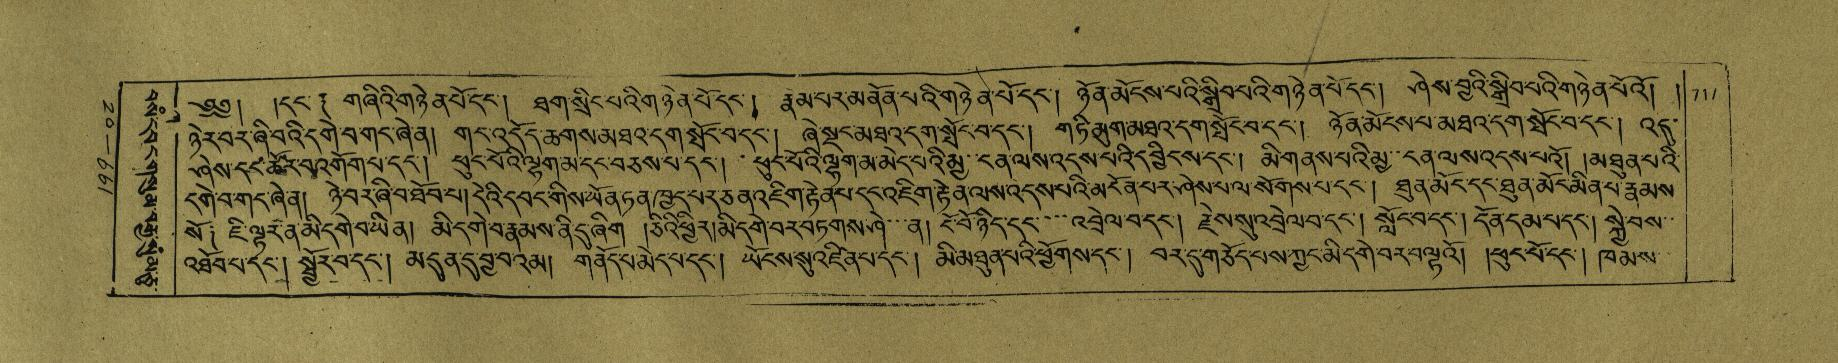༄༅། །དང༑ གཞིའི་གཉེན་པོ་དང་། ཐག་སྲིང་པའི་གཉེན་པོ་དང་། རྣམ་པར་མནོན་པའི་གཉེན་པོ་དང་། ཉོན་མོངས་པའི་སྒྲིབ་པའི་གཉེན་པོ་དང་། ཤེས་བྱའི་སྒྲིབ་པའི་གཉེན་པོའོ། །
ཉེར་བར་ཞི་བའི་དགེ་བ་གང་ཞེན་ཨ། གང་འདོད་ཆགས་མཐའ་དང་སྤོང་བ་དང་། ཞེ་སྡང་མཐའ་དང་སྤོང་བ་དང་། གཏི་མུག་མཐའ་དག་སྤོང་བ་དང་། ཉོན་མོངས་པ་མཐའ་དག་སྤོང་བ་དང་། འདུ་
ཤེས་དང་ཚོར་བ་འགོག་པ་དང་། ཕུང་པོའི་ལྷག་མ་དང་བཅས་པ་དང་། ཕུང་པོའི་ལྷག་མ་མེད་པའི་མྱ་ངན་ལས་འདས་པའི་དབྱིངས་དང་། མི་གནས་པའི་མྱ་ངན་ལས་འདས་པའོ། །མཐུན་པའི་
དགེ་བ་གང་ཞེ་ན། ཉེ་བར་ཞི་བ་ཐོབ་པ། དེའི་དབང་གིས་ཡོན་ཏན་ཁྱད་པར་ཅན་འཇིག་རྟེན་པ་དང་འཇིག་རྟན་ལས་འདས་པའི་མངོན་པར་ཤེས་པ་ལ་སོགས་པ་དང་། ཐུན་མོང་དང་ཐུན་མོངས་མིན་པ་རྣམས་
སོ༑ ཇི་ལྟར་ན་མེ་དག་བ་ཡིན། མི་དགེ་བ་རྣམས་ནི་དུ་ཞིག །ཅིའི་ཕྱིར། མི་དགེ་བར་བཏགས་ཤེ་ན། ངོ་བོ་ཉིད་དང་འབྲེལ་བ་དང་། རྷྗེས་སུ་འབྲེལ་བ་དང་། སློང་བ་དང་། དོན་དམ་པ་དང་། སྐྱེབས་
འཐོབ་པ་དང་། སྦྱོར་བ་དང་། མདུན་དུ་བྱ་བ་འམ། གནོད་པ་མེད་པ་དང་། ཡོངས་སུ་འཛིན་པ་དང་། མི་མཐུན་པའི་ཕྱོགས་དང་། བར་དུ་གཅོད་པས་ཀྱང་མི་དགེ་བར་བལྟའོ། །ཕུང་པོ་དང་། ཁམས་